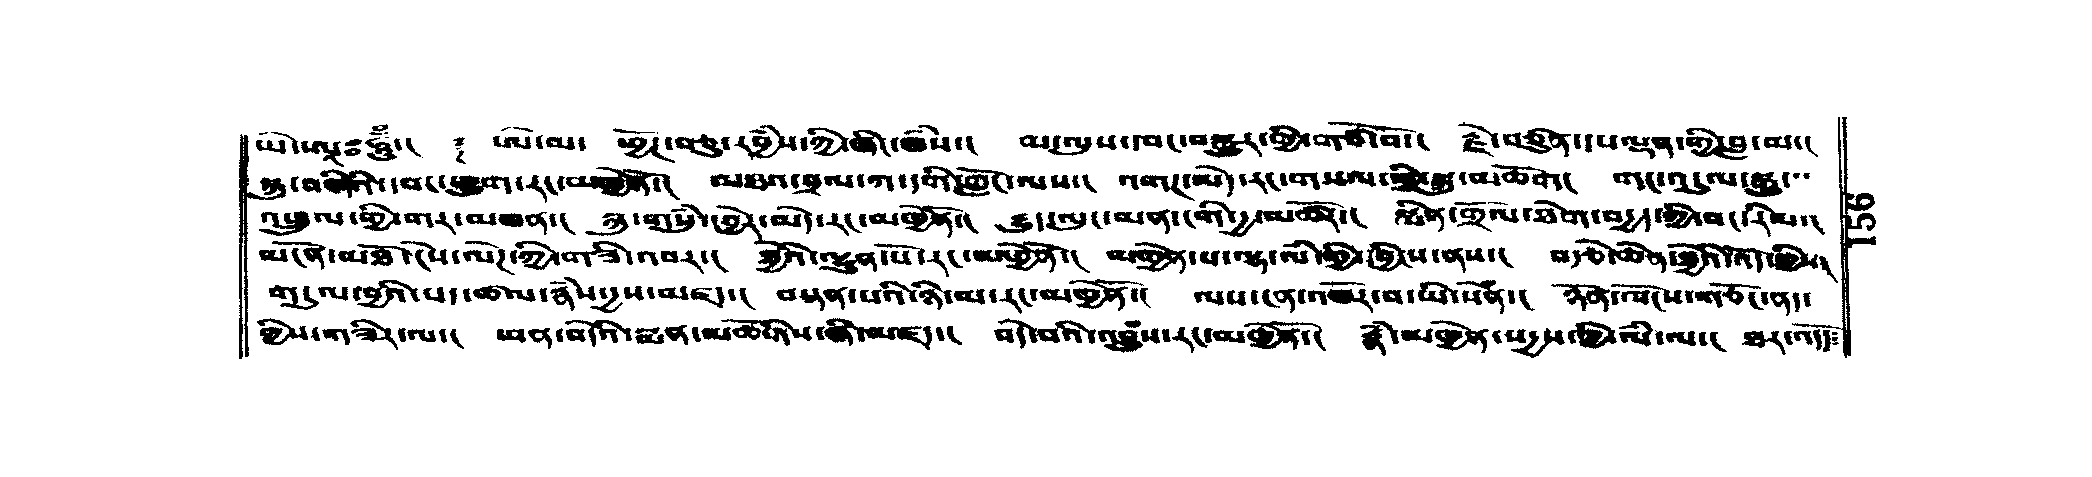ཡེ་ཨཱཿཧཱུྃ། ༈ ཕྱོགས་བཅུ་རབ་འབྱམས་ཀྱི་ཞིང་ཁམས། །མ་ལུས་དབང་བསྒྱུར་གྱི་གཙོ་བོ། །རྗེ་བཙུན་དཔལ་ལྡན་གྱི་བླ་མ། །
སྐུ་བཞིའི་དབང་ཕྱུག་རང་མཁྱེན་ནོ། །མཐའ་བྲལ་ཀ་དག་གི་ཀློང་ལས། །འགགས་མེད་རང་གསལ་གྱི་སྐུ་མཆོག།གང་འདུལ་སྒྱུ་
འཕྲུལ་གྱི་གར་མཁན། །སྐུ་གསུམ་དབྱེར་མེད་རང་མཁྱེན་ནོ། །རྒྱུད་ལུང་མན་ངག་གི་རྒྱ་མཚོར། །སྨིན་གྲོལ་ཐེག་བརྒྱད་ཀྱི་བང་རིམ། །
མངོན་མཐོ་ངེས་ལེགས་ཀྱི་གཟིར་འབར། །ཐུགས་རྗེའི་ལྷུན་པོ་རང་མཁྱེན་ནོ། །མཁྱེན་པ་ལྷ་ལམ་གྱི་དབྱིངས་ནས། བརྩེ་ཆེན་ཐུགས་རྗེ་ཡི་འོད་ཀྱིས། །
གདུལ་བྱའི་པད་ཚལ་རྣམས་རྒྱས་མཛད། །བསྟན་པའི་ཉི་མ་རང་མཁྱེན་ནོ། །ལས་ངན་འཁོར་བ་ཡི་སེམས་ཅན། །ཉོན་མོངས་གཅོང་ནད་
ཀྱིས་གཟིར་ལ། །ཕན་བདེའི་སྨན་མཆོག་གིས་ཞི་མཛད། །བདེ་བའི་འབྱུང་གནས་རང་མཁྱེན་ནོ། །རྣམ་མཁྱེན་སངས་རྒྱས་གྱི་ལམ་ལ། །ཐར་འདོད་